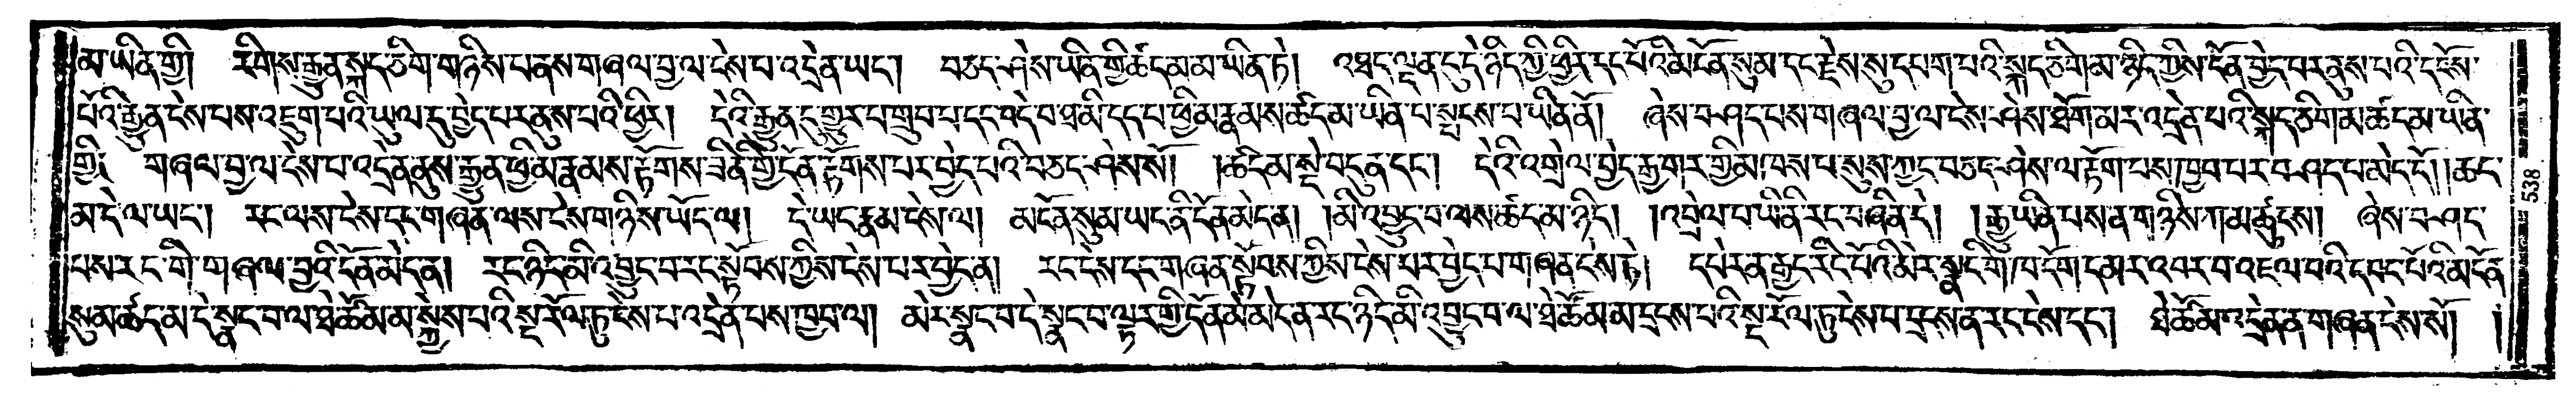མ་ཡིན་གྱི། རིགས་རྒྱུན་སྐད་ཅིག་གཉིས་པ་ནས་གཞལ་བྱ་ལ་ངེས་པ་འདྲེན་ཡང་། བཅད་ཤེས་ཡིན་གྱི་ཚད་མ་མ་ཡིན་ཏེ། འཐད་ལྡན་དུ་དེ་ཉིད་ཀྱི་ཕྱིར་དང་པོའི་མངོན་སུམ་དང་རྗེས་སུ་དཔག་པའི་སྐད་ཅིག་མ་ཉིད་ཀྱིས་དོན་བྱེད་པར་ནུས་པའི་དངོས་
པོའི་རྒྱུན་ངེས་པས་འཇུག་པའི་ཡུལ་དུ་བྱེད་པར་ནུས་པའི་ཕྱིར། དེའི་རྒྱུན་དུ་གྱུར་པ་གྲུབ་པ་དང་བདེ་བ་ཐ་མི་དད་པ་ཕྱི་མ་རྣམས་ཚད་མ་ཡིན་པ་སྤངས་པ་ཡིན་ནོ། ཞེས་བཤད་པས་གཞལ་བྱ་ལ་ངེས་ཤེས་ཐོག་མར་འདྲེན་པའི་སྐད་ཅིག་མ་ཚད་མ་ཡིན་
གྱི༑ གཞལ་བྱ་ལ་ངེས་པ་འདྲེན་ནུས་རྒྱུན་ཕྱི་མ་རྣམས་རྟོགས་ཟིན་གྱི་དོན་རྟོགས་པར་བྱེད་པའི་བཅད་ཤེས་སོ། །ཚད་མ་སྡེ་བདུན་དང་། དེའི་འགྲེལ་བྱེད་རྒྱ་གར་གྱི་མཁས་པ་སུས་ཀྱང་བཅད་ཤེས་ལ་རྟོག་པས་ཁྱབ་པར་བཤད་པ་མེད་དོ། །ཆང་
མ་དེ་ལ་ཡང་། རང་ལས་ངེས་དང་གཞན་ལས་ངེས་གཉིས་ཡོད་ལ། དེ་ཡང་རྣམ་ངེས་ལ། མངོན་སུམ་ཡང་ནི་དོན་མེད་ན། །མི་འབྱུང་བ་ལས་ཚད་མ་ཉིད། །འབྲེལ་བ་ཡི་ནི་རང་བཞིན་དེ། །རྒྱུ་ཡིན་པས་ན་གཉིས་ཀ་མཚུངས། ཞེས་བཤད་
པས་རང་གི་གཞལ་བྱའི་དོན་མེད་ན། རང་ཉིད་མི་འབྱུང་བ་རང་སྟོབས་ཀྱིས་ངེས་པར་བྱེད་ན། རང་ངེས་དང་གཞན་སྟོབས་ཀྱིས་ངེས་པར་བྱེད་པ་གཞན་ངེས་ཏེ། དཔེར་ན་རྒྱང་རིང་པོའི་མེར་སྣང་གི་ཁ་དོག་དམར་འབར་བ་འཇལ་བའི་དབང་པོའི་མངོན་
སུམ་ཚད་མ་དེ་སྣང་བ་ལ་ཐེ་ཚོམ་མ་སྐྱེས་པའི་སྔ་རོལ་ཏུ་ངེས་པ་འདྲེན་པས་ཁྱབ་ལ། མེར་སྣང་བ་དེ་སྣང་བ་ལྟར་གྱི་དོན་མེ་མེད་ན་རང་ཉིད་མི་འབྱུང་བ་ལ་ཐེ་ཚོམ་མ་དྲངས་པའི་སྔ་རོལ་ཏུ་ངེས་པ་དྲངས་ན་རང་ངེས་དང་། ཐེ་ཚོམ་འདྲེན་ན་གཞན་ངེས་སོ། །